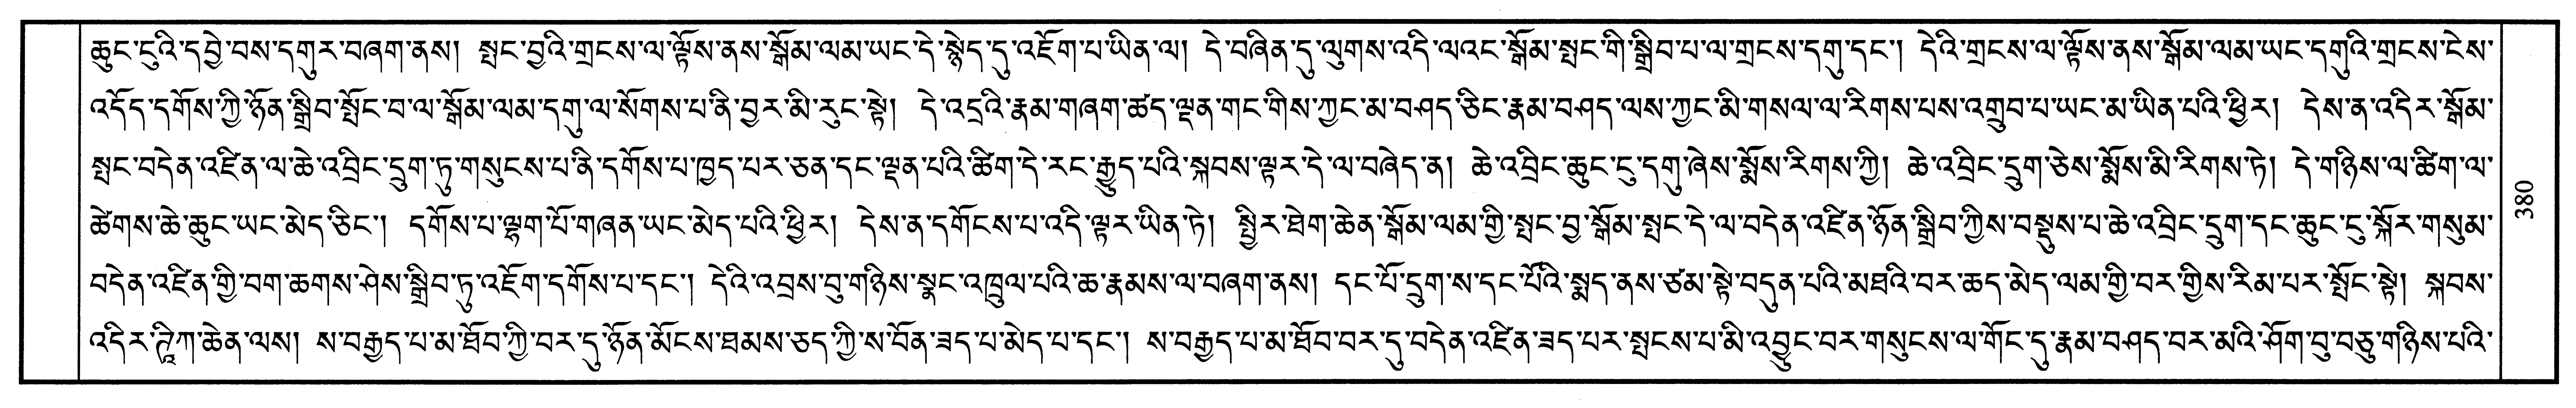ཆུང་ངུའི་དབྱེ་བས་དགུར་བཞག་ནས། སྤང་བྱའི་གྲངས་ལ་ལྟོས་ནས་སྒོམ་ལམ་ཡང་དེ་སྙེད་དུ་འཇོག་པ་ཡིན་ལ། དེ་བཞིན་དུ་ལུགས་འདི་ལའང་སྒོམ་སྤང་གི་སྒྲིབ་པ་ལ་གྲངས་དགུ་དང་། དེའི་གྲངས་ལ་ལྟོས་ནས་སྒོམ་ལམ་ཡང་དགུའི་གྲངས་ངེས་
འདོད་དགོས་ཀྱི་ཉོན་སྒྲིབ་སྤོང་བ་ལ་སྒོམ་ལམ་དགུ་ལ་སོགས་པ་ནི་བྱར་མི་རུང་སྟེ། དེ་འདྲའི་རྣམ་གཞག་ཚད་ལྡན་གང་གིས་ཀྱང་མ་བཤད་ཅིང་རྣམ་བཤད་ལས་ཀྱང་མི་གསལ་ལ་རིགས་པས་འགྲུབ་པ་ཡང་མ་ཡིན་པའི་ཕྱིར། དེས་ན་འདིར་སྒོམ་
སྤང་བདེན་འཛིན་ལ་ཆེ་འབྲིང་དྲུག་ཏུ་གསུངས་པ་ནི་དགོས་པ་ཁྱད་པར་ཅན་དང་ལྡན་པའི་ཚིག་དེ་རང་རྒྱུད་པའི་སྐབས་ལྟར་དེ་ལ་བཞེད་ན། ཆེ་འབྲིང་ཆུང་ངུ་དགུ་ཞེས་སྨོས་རིགས་ཀྱི། ཆེ་འབྲིང་དྲུག་ཅེས་སྨོས་མི་རིགས་ཏེ། དེ་གཉིས་ལ་ཚིག་ལ་
ཚེགས་ཆེ་ཆུང་ཡང་མེད་ཅིང་། དགོས་པ་ལྷག་པོ་གཞན་ཡང་མེད་པའི་ཕྱིར། དེས་ན་དགོངས་པ་འདི་ལྟར་ཡིན་ཏེ། སྤྱིར་ཐེག་ཆེན་སྒོམ་ལམ་གྱི་སྤང་བྱ་སྒོམ་སྤང་དེ་ལ་བདེན་འཛིན་ཉོན་སྒྲིབ་ཀྱིས་བསྡུས་པ་ཆེ་འབྲིང་དྲུག་དང་ཆུང་ངུ་སྐོར་གསུམ་
བདེན་འཛིན་གྱི་བག་ཆགས་ཤེས་སྒྲིབ་ཏུ་འཇོག་དགོས་པ་དང་། དེའི་འབྲས་བུ་གཉིས་སྣང་འཁྲུལ་པའི་ཆ་རྣམས་ལ་བཞག་ནས། དང་པོ་དྲུག་ས་དང་པོའི་སྨད་ནས་ཙམ་སྟེ་བདུན་པའི་མཐའི་བར་ཆད་མེད་ལམ་གྱི་བར་གྱིས་རིམ་པར་སྤོང་སྟེ། སྐབས་
འདིར་ཊཱིཀ་ཆེན་ལས། ས་བརྒྱད་པ་མ་ཐོབ་ཀྱི་བར་དུ་ཉོན་མོངས་ཐམས་ཅད་ཀྱི་ས་བོན་ཟད་པ་མེད་པ་དང་། ས་བརྒྱད་པ་མ་ཐོབ་བར་དུ་བདེན་འཛིན་ཟད་པར་སྤངས་པ་མི་འབྱུང་བར་གསུངས་ལ་གོང་དུ་རྣམ་བཤད་བར་མའི་ཤོག་བུ་བཅུ་གཉིས་པའི་